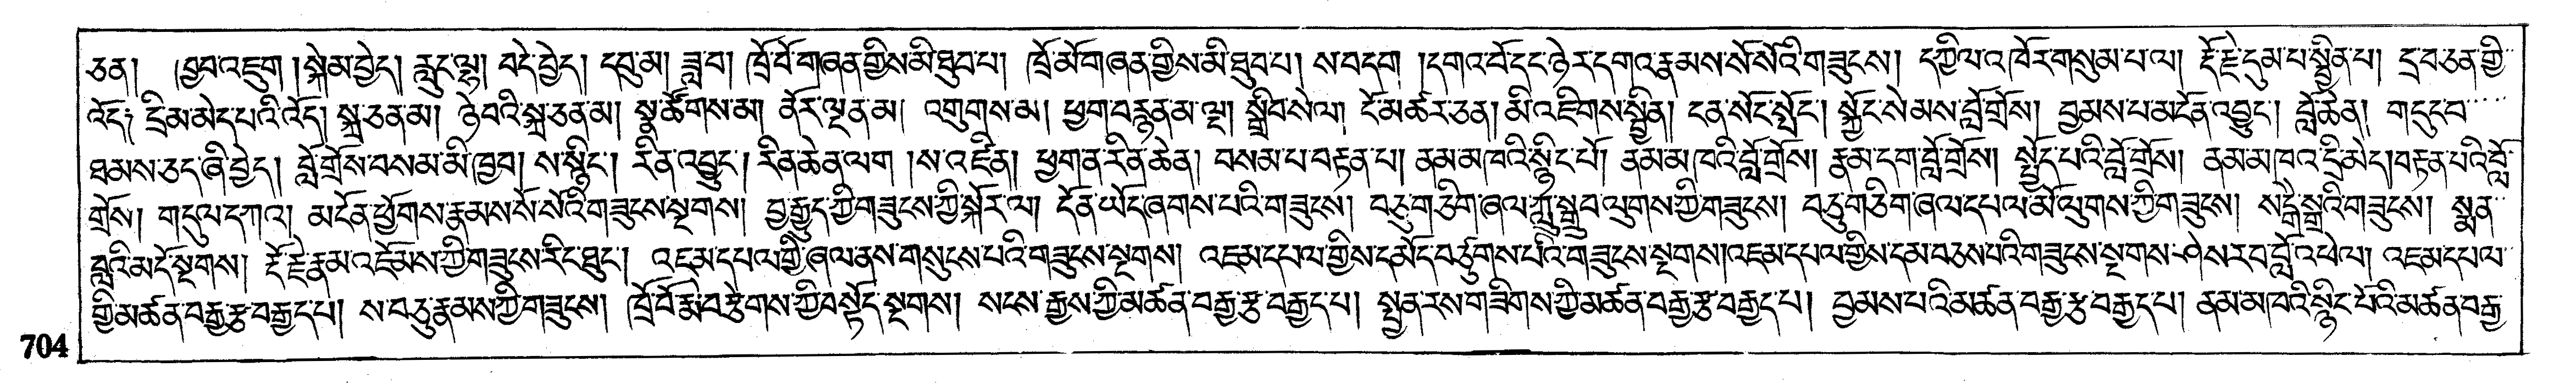ཅན། ཁྱབ་འཇུག །སྐེམ་བྱེད། རླུང་ལྷ། བདེ་བྱེད། དབུ་མ། ཟླ་བ། ཁྲོ་བོ་གཞན་གྱིས་མི་ཐུབ་པ། ཁྲོ་མོ་གཞན་གྱིས་མི་ཐུབ་པ། ས་བདག །དགའ་བོ་དང་ཉེར་དགའ་རྣམས་སོ་སོའི་གཟུངས། དཀྱིལ་འཁོར་གསུམ་པ་ལ། རྡོ་རྗེ་དམ་པ་སྦྱིན་པ། དྲ་བ་ཅན་གྱི་
འོད༑ དྲི་མ་མེད་པའི་འོད། སྐྲ་ཅན་མ། ཉེ་བའི་སྐྲ་ཅན་མ། སྣ་ཚོགས་མ། ནོར་ལྡན་མ། འགུགས་མ། ཕྱག་བརྙན་མ་ལྔ། སྒྲིབ་སེལ། ངོ་མཚར་ཅན། མི་འཇིགས་སྦྱིན། ངན་སོང་སྤོང་། སྐྱོང་སེམས་བློ་གྲོས། བྱམས་པ་མངོན་འབྱུང་། བློ་ཆེན། གདུང་བ་
ཐམས་ཅད་ཞི་བྱེད། བློ་གྲོས་བསམ་མི་ཁྱབ། ས་སྙིང་། རིན་འབྱུང་། རིན་ཆེན་ལག །ས་འཛིན། ཕྱག་ན་རིན་ཆེན། བསམ་པ་བརྟན་པ། ནམ་མཁའི་སྙིང་པོ། ནམ་མཁའི་བློ་གྲོས། རྣམ་དག་བློ་གྲོས། སྤྱོད་པའི་བློ་གྲོས། ནམ་མཁའ་དྲི་མེད། བརྟན་པའི་བློ་
གྲོས། གདུལ་དཀའ། མངོན་ཕྱོགས་རྣམས་སོ་སོའི་གཟུངས་སྔགས། བྱ་རྒྱུད་ཀྱི་གཟུངས་ཀྱི་སྐོར་ལ། དོན་ཡོད་ཞགས་པའི་གཟུངས། བཅུ་གཅིག་ཞལ་ཀླུ་སྒྲུབ་ལུགས་ཀྱི་གཟུངས། བཅུ་གཅིག་ཞལ་དཔལ་མོ་ལུགས་ཀྱི་གཟུངས། སེངྒེ་སྒྲའི་གཟུངས། སྨན་
བླའི་མདོ་སྔགས། རྡོ་རྗེ་རྣམ་འཇོམས་ཀྱི་གཟུངས་རིང་ཐུང་། འཇམ་དཔལ་གྱི་ཞལ་ནས་གསུངས་པའི་གཟུངས་སྔགས། འཇམ་དཔལ་གྱིས་དམོད་བཙུགས་པའི་གཟུངས་སྔགས། འཇམ་དཔལ་གྱིས་དམ་བཅས་པའི་གཟུངས་སྔགས་ཤེས་རབ་བློ་འཕེལ། འཇམ་དཔལ་
གྱི་མཚན་བརྒྱ་རྩ་བརྒྱད་པ། ས་བཅུ་རྣམས་ཀྱི་གཟུངས། ཁྲོ་བོ་རྨེ་བརྩེགས་ཀྱི་བསྟོད་སྔགས། སངས་རྒྱས་ཀྱི་མཚན་བརྒྱ་རྩ་བརྒྱད་པ། སྤྱན་རས་གཟིགས་ཀྱི་མཚན་བརྒྱ་རྩ་བརྒྱད་པ། བྱམས་པའི་མཚན་བརྒྱ་རྩ་བརྒྱད་པ། ནམ་མཁའི་སྙིང་པོའི་མཚན་བརྒྱ་